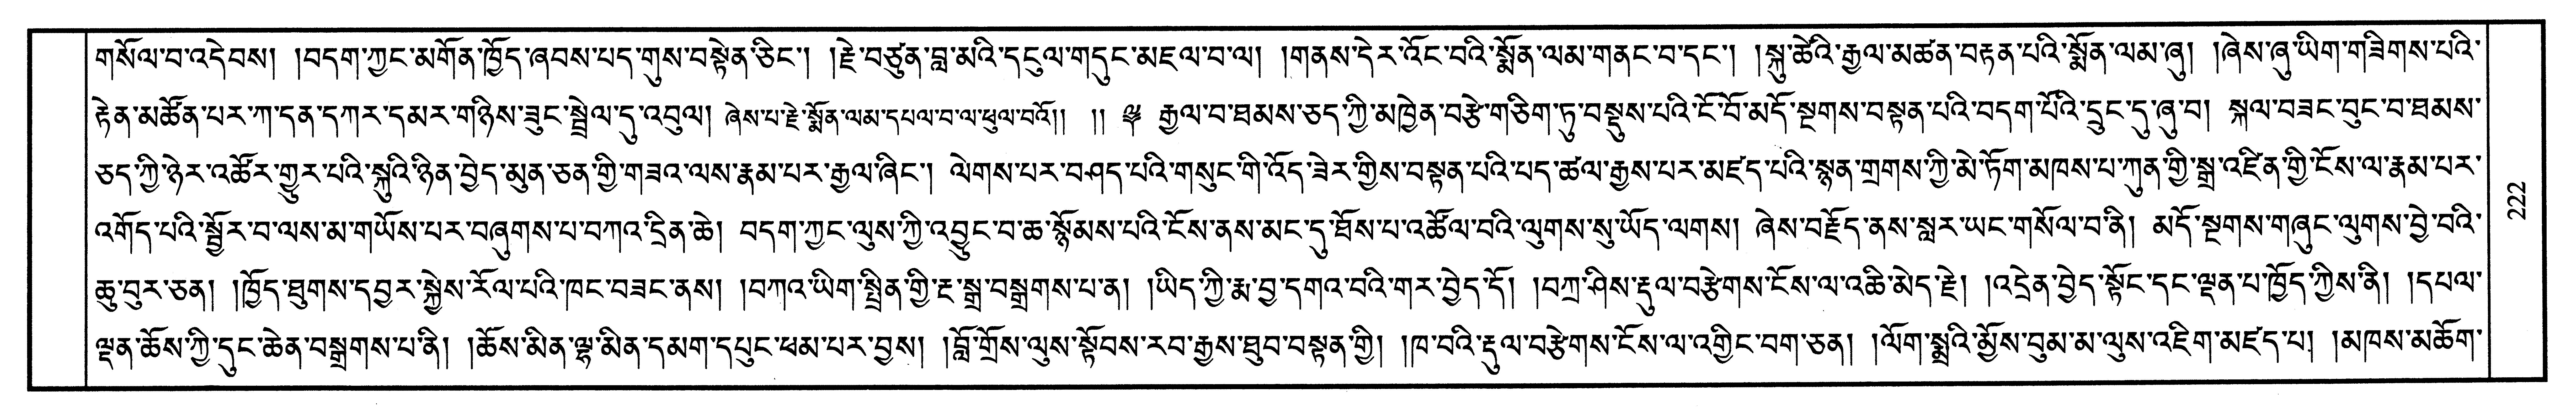གསོལ་བ་འདེབས། །བདག་ཀྱང་མགོན་ཁྱོད་ཞབས་པད་གུས་བསྟེན་ཅིང་། །རྗེ་བཙུན་བླ་མའི་དངུལ་གདུང་མཇལ་བ་ལ། །གནས་དེར་འོང་བའི་སྨོན་ལམ་གནང་བ་དང་། །སྐུ་ཚེའི་རྒྱལ་མཚན་བརྟན་པའི་སྨོན་ལམ་ཞུ། །ཞེས་ཞུ་ཡིག་གཟིགས་པའི་
རྟེན་མཚོན་པར་ཀ་དན་དཀར་དམར་གཉིས་ཟུང་སྦྲེལ་དུ་འབུལ། ཞེས་པ་རྗེ་སྨོན་ལམ་དཔལ་བ་ལ་ཕུལ་བའོ།། །། ༈ རྒྱལ་བ་ཐམས་ཅད་ཀྱི་མཁྱེན་བརྩེ་གཅིག་ཏུ་བསྡུས་པའི་ངོ་བོ་མདོ་སྔགས་བསྟན་པའི་བདག་པོའི་དྲུང་དུ་ཞུ་བ། སྐལ་བཟང་བུང་བ་ཐམས་
ཅད་ཀྱི་ཉེར་འཚོར་གྱུར་པའི་སྐུའི་ཉིན་བྱེད་མུན་ཅན་གྱི་གཟའ་ལས་རྣམ་པར་རྒྱལ་ཞིང་། ལེགས་པར་བཤད་པའི་གསུང་གི་འོད་ཟེར་གྱིས་བསྟན་པའི་པད་ཚལ་རྒྱས་པར་མཛད་པའི་སྙན་གྲགས་ཀྱི་མེ་ཏོག་མཁས་པ་ཀུན་གྱི་སྒྲ་འཛིན་གྱི་ངོས་ལ་རྣམ་པར་
འགོད་པའི་སྦྱོར་བ་ལས་མ་གཡོས་པར་བཞུགས་པ་བཀའ་དྲིན་ཆེ། བདག་ཀྱང་ལུས་ཀྱི་འབྱུང་བ་ཆ་སྙོམས་པའི་ངོས་ནས་མང་དུ་ཐོས་པ་འཚོལ་བའི་ལུགས་སུ་ཡོད་ལགས། ཞེས་བརྗོད་ནས་སླར་ཡང་གསོལ་བ་ནི། མདོ་སྔགས་གཞུང་ལུགས་བྱེ་བའི་
ཆུ་བུར་ཅན། །ཁྱོད་ཐུགས་དབྱར་སྐྱེས་རོལ་པའི་ཁང་བཟང་ནས། །བཀའ་ཡིག་སྤྲིན་གྱི་རྔ་སྒྲ་བསྒྲགས་པ་ན། །ཡིད་ཀྱི་རྨ་བྱ་དགའ་བའི་གར་བྱེད་དོ། །བཀྲ་ཤིས་རྡུལ་བརྩེགས་ངོས་ལ་འཆི་མེད་རྗེ། །འདྲེན་བྱེད་སྟོང་དང་ལྡན་པ་ཁྱོད་ཀྱིས་ནི། །དཔལ་
ལྡན་ཆོས་ཀྱི་དུང་ཆེན་བསྒྲགས་པ་ནི། །ཆོས་མིན་ལྷ་མིན་དམག་དཔུང་ཕམ་པར་བྱས། །བློ་གྲོས་ལུས་སྟོབས་རབ་རྒྱས་ཐུབ་བསྟན་གྱི། །ཁ་བའི་རྡུལ་བརྩེགས་ངོས་ལ་འགྱིང་བག་ཅན། །ལོག་སྨྲའི་མྱོས་བུམ་མ་ལུས་འཇིག་མཛད་པ། །མཁས་མཆོག་